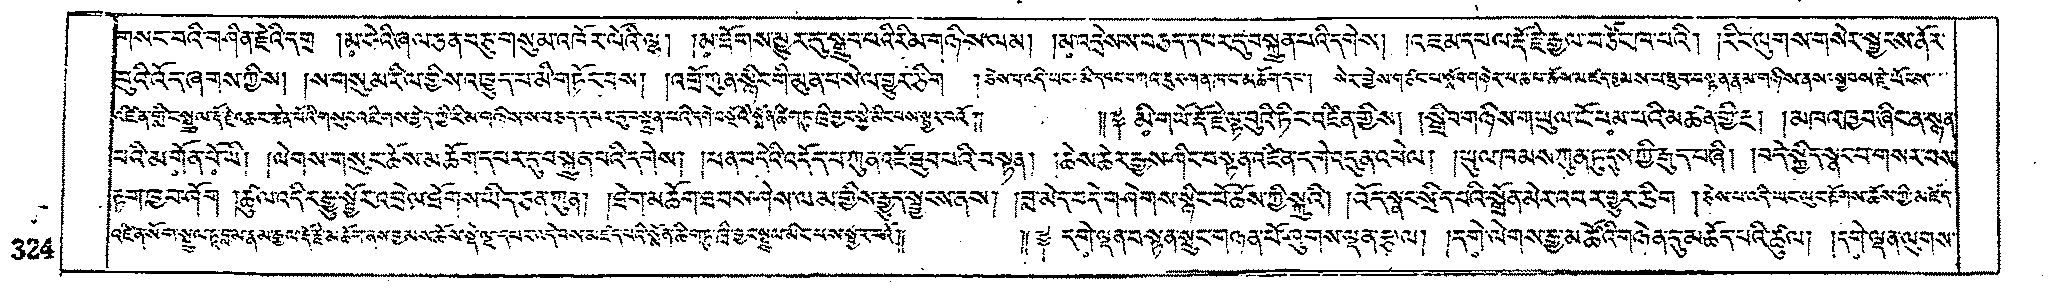གསང་བའི་གཤིན་རྗེའི་དགྲ་།མ྾་ཧེའི་ཞལ་ཅན་བཅུ་གསུམ་འཁོར་ལོའི་ལྷ། །མ྾་ཐོགས་མྱུར་དུ་སྒྲུབ་པའི་རིམ་གཉིས་ལམ། །མ྾་འདྲེས་ས་བཅད་དཔར་དུ་བསྐྲུན་པའི་དགེས། །འཇམ་དཔལ་རྡོ་རྗེ་རྒྱལ་བ་ཙོང་ཁ་པའི། །རིང་ལུགས་གསེར་སྦྱངས་ནོར་
བུའི་འོད་ཞགས་ཀྱིས། །ས་གསུམ་རིལ་གྱིས་འཁྱུད་པ་མི་གཏོང་བས། །འགྲོ་ཀུན་སྙིང་གི་མུན་པ་སེལ་གྱུར་ཅིག །ཅེས་པ་འདི་ཡང་མི་དབང་བཀའ་ཟུར་ཤན་ཁ་བ་མཆོག་དང་། སེར་བྱེས་གཙང་པ་སློབ་གཉེར་པ་ཆ་པ་ཆོས་མཛད་བྱམས་པ་ཐུབ་བསྟན་རྣམ་གཉིས་ནས ༧སྐྱབས་རྗེ་ཡོངྶ་་་
འཛིན་གླིང་སྤྲུལ་རྡོ་རྗེ་འཆང་ཆེན་པོའི་གསུང་འཇིགས་བྱེད་ཀྱི་རིམ་གཉིས་ས་བཅད་དཔར་དུ་བསྐྲུན་པའི་དགེ་བསྔོའི་སྨོན་ཚིག་ཏུ་ཁྲི་བྱང་སྐྱེ་མིང་པས་སྦྱར་བའོ།། །།འ་མི྾་གཡོ་རྡོ་རྗེ་ལྟ་བུའི་ཏིང་འཛིན་གྱིས། །སྒྲིབ་གཉིས་གཡུལ་ངོ་ཕམ྾་པའི་མཚན་གྱི་རྔ། །མཁའ་ཁྱབ་ཞིང་ན་སྙན་
པའི་མགོན྾་པོ྾་ཡི། །ལེགས་གསུང་ཆོས་མཆོག་དཔར་དུ་བསྐྲུན་པའི་དགེས། །ཕན་བདེའི་འདོད་པ་ཀུན་འཇོ་ཐུབ་པའི་བསྟན། །ཆེས་ཆེར་རྒྱས་ཤིང་བསྟན་འཛིན་དགེ་འདུན་འཕེལ། །ཡུལ་ཁམས་ཀུན་ཏུ་དུས་ཀྱི་རྒུད་པ་ཞི། །བདེ་སྐྱིད་སྣང་བ་གསར་པས་
རྟག་ཁྱབ་ཤོག །ཚུལ་འདིར་རྒྱུ་སྦྱོར་འབྲེལ་ཐོགས་ཡིད་ཅན་ཀུན། །ཐེག་མཆོག་ཐབས་ཤེས་ལམ་གྱིས་རྒྱུད་སྦྱངས་ནས། །བླ་མེད་བདེ་གཤེགས་སྙིང་པོ་ཆོས་ཀྱི་སྐུའི། །འོད་སྣང་སྲིད་པའི་སྒྲོན་མེར་འབར་གྱུར་ཅིག །ཅེས་པ་འདི་ཡང་ལུང་རྟོགས་ཆོས་ཀྱི་མཛོད་
འཛིན་སོག་སྤྲུལ་ཏཱ་བླ་མ་རྣམ་རྒྱལ་རྡོ་རྗེ་མཆོག་ནས་བྱམས་ཆོས་སྡེ་ལྔ་དཔར་འདེབས་མཛད་པའི་སྨོན་ཚིག་ཏུ་ཁྲི་བྱང་སྤྲུལ་མིང་པས་སྦྱར་བའོ།། །།འ་དགེ྾་ལྡན་བསྟན་སྲུང་གཉན་པོ་ཤུགས་ལྡན་རྩལ། །དགེ྾་ལེགས་རྒྱ་མཚོའི་གཉེན་དུ་མཆོད་པའི་ཚུལ། །དགེ྾་ལྡན་ལུགས་